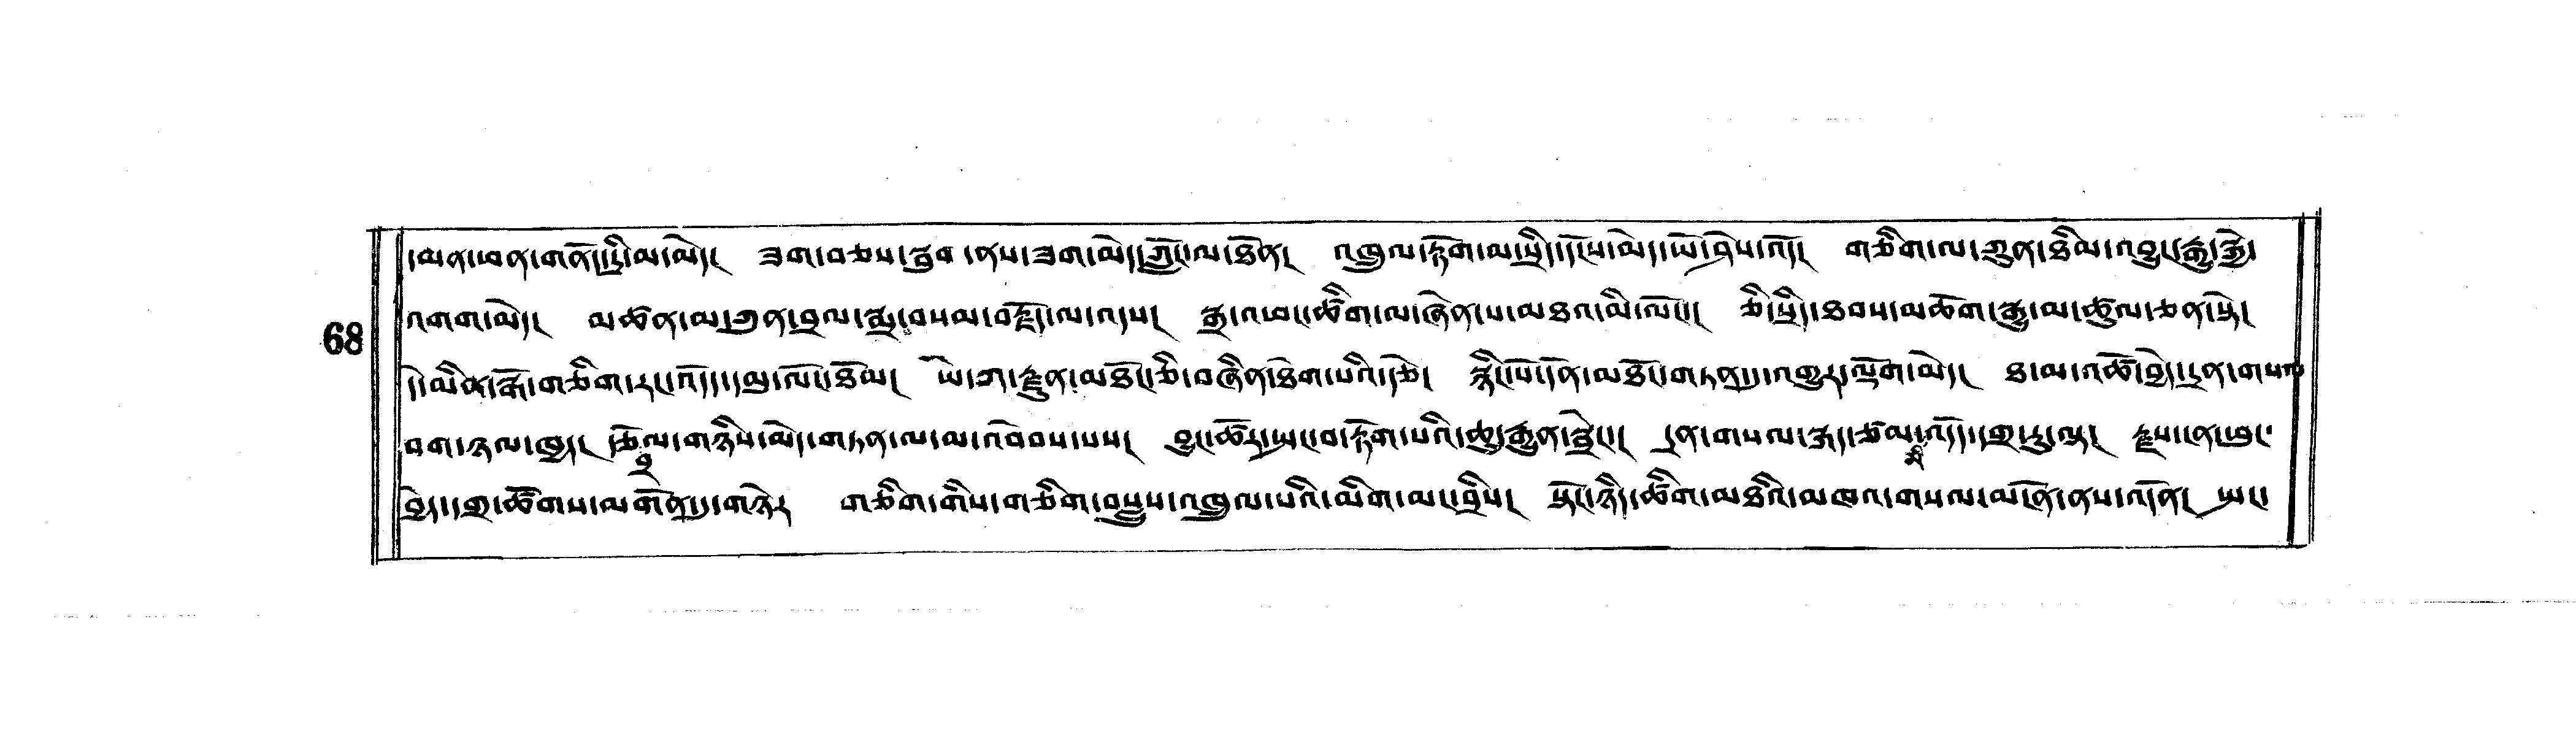དམན་ཕན་གནོད་དྲི་མ་མེད། ཟག་བཅས་སྦུབས་ནས་ཟག་མེད་ཀློང་ལ་ཐོན། འཁྲུལ་རྟོག་མ་སྲིད་དངོས་མེད་ཡེ་ཤེས་འོད། གཅིག་ལ་ཀུན་ཐིམ་འབྱུང་རྒྱུ་སྐྱེ་
འགག་མེད། མཚན་མ་ཀུན་བྲལ་སྨྲ་བསམ་བརྗོད་ལས་འདས། སྒྲ་འཕང་ཚིག་ལ་ཞེན་པ་མཐའ་མི་ལོང་། ཅི་སྲིད་ཐབས་མཆོག་སྒྱུ་མ་ཚུལ་ཅན་ཏེ། 
དེ་མིན་སྒོ་གཅིག་རང་འདོད་དམུ་ལོང་ཐོམ། ཡེ་ཀ་རྫུན་མཐོང་ཅི་བཞིན་ཐེག་པའི་རྩེ། སྙིང་པོ་དོན་མཐོང་གཏན་དུ་འགྱུར་ལྡོག་མེད། ཐ་མ་འཚོ་བྱེད་དྲན་གསལ་
བག་ཉལ་ཁྱད། རྩོལ་བྲལ་གཉིས་མེད་གཏན་ལ་མ་འབེབས་པས། བྱུང་ཚོར་སྤང་བ་རྟོག་པའི་ཆུ་རྒྱུན་སྦྲེང་། དྲན་གསལ་སྐད་ཙམ་མི་འདོད་དགྲ་རུ་ལྟ། རྫས་ངན་ཕུང་
བྱེད་དགྲ་ཚོགས་མགོན་དུ་གཉེར། གཅིག་གིས་གཅིག་བསླུས་འཁྲུལ་པའི་མིག་མང་བྲིས། སྟོང་ཉིད་ཚིག་མཐའི་མཁའ་གསལ་མངོན་ནས་འདོན། སྤང་